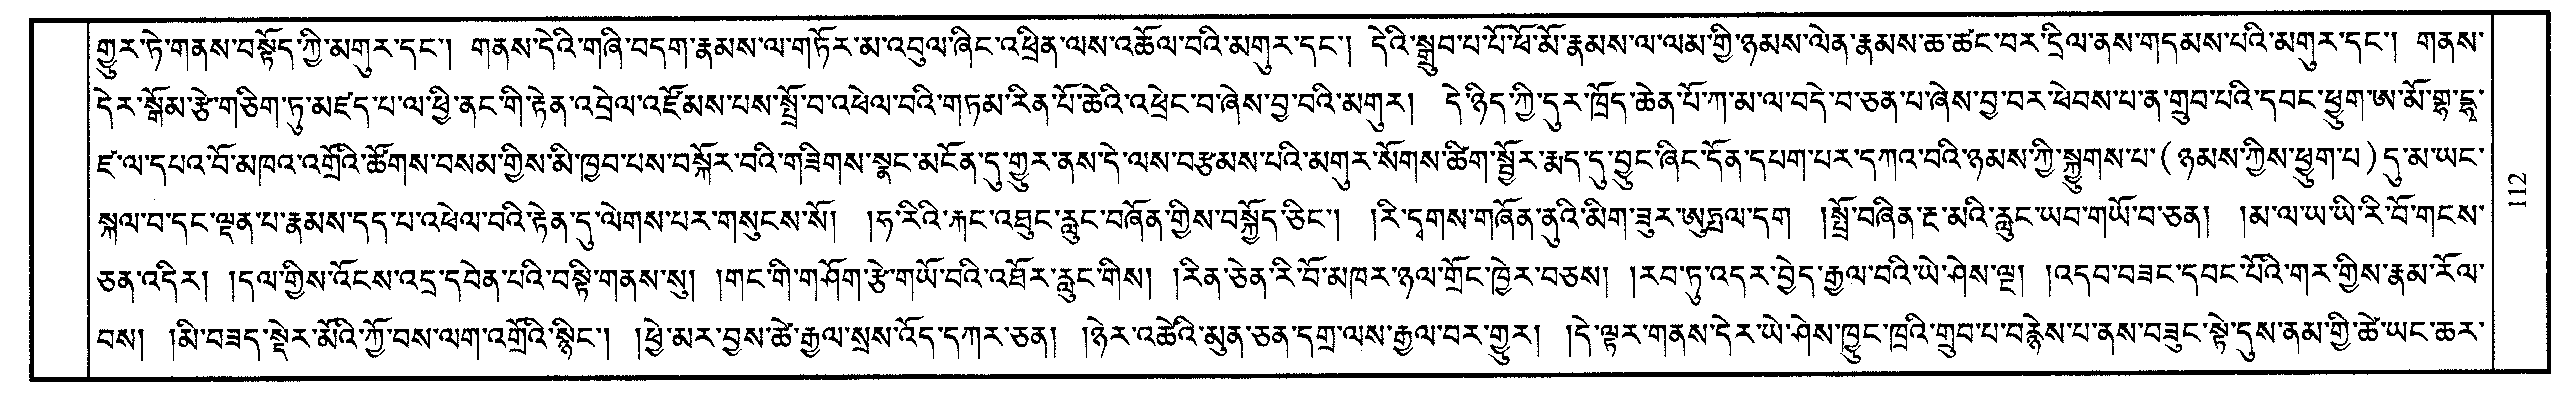གྱུར་ཏེ་གནས་བསྟོད་ཀྱི་མགུར་དང་། གནས་དེའི་གཞི་བདག་རྣམས་ལ་གཏོར་མ་འབུལ་ཞིང་འཕྲིན་ལས་འཆོལ་བའི་མགུར་དང་། དེའི་སྒྲུབ་པ་པོ་ཕོ་མོ་རྣམས་ལ་ལམ་གྱི་ཉམས་ལེན་རྣམས་ཆ་ཚང་བར་དྲིལ་ནས་གདམས་པའི་མགུར་དང་། གནས་
དེར་སྒོམ་རྩེ་གཅིག་ཏུ་མཛད་པ་ལ་ཕྱི་ནང་གི་རྟེན་འབྲེལ་འཛོམས་པས་སྤྲོ་བ་འཕེལ་བའི་གཏམ་རིན་པོ་ཆེའི་འཕྲེང་བ་ཞེས་བྱ་བའི་མགུར། དེ་ཉིད་ཀྱི་དུར་ཁྲོད་ཆེན་པོ་ཀ་མ་ལ་བདེ་བ་ཅན་པ་ཞེས་བྱ་བར་ཕེབས་པ་ན་གྲུབ་པའི་དབང་ཕྱུག་ཨ་མོ་གྷ་དྷྭ་
ཛ་ལ་དཔའ་བོ་མཁའ་འགྲོའི་ཚོགས་བསམ་གྱིས་མི་ཁྱབ་པས་བསྐོར་བའི་གཟིགས་སྣང་མངོན་དུ་གྱུར་ནས་དེ་ལས་བརྩམས་པའི་མགུར་སོགས་ཚིག་སྦྱོར་རྨད་དུ་བྱུང་ཞིང་དོན་དཔག་པར་དཀའ་བའི་ཉམས་ཀྱི་སྐྱུགས་པ་ཉམས་ཀྱིས་ཕྱུག་པ་དུ་མ་ཡང་
སྐལ་བ་དང་ལྡན་པ་རྣམས་དད་པ་འཕེལ་བའི་རྟེན་དུ་ལེགས་པར་གསུངས་སོ། །ཧ་རིའི་རྐང་འཐུང་རླུང་བཞོན་གྱིས་བསྐྱོད་ཅིང་། །རི་དྭགས་གཞོན་ནུའི་མིག་ཟུར་ཨུཏྤལ་དག །སྤྲོ་བཞིན་རྔ་མའི་རླུང་ཡབ་གཡོ་བ་ཅན། །མ་ལ་ཡ་ཡི་རི་བོ་གངས་
ཅན་འདིར། །དལ་གྱིས་འོངས་འདྲ་དབེན་པའི་བསྟི་གནས་སུ། །གང་གི་གཤོག་རྩེ་གཡོ་བའི་འཐོར་རླུང་གིས། །རིན་ཅེན་རི་བོ་མཁར་ཉལ་གྲོང་ཁྱེར་བཅས། །རབ་ཏུ་འདར་བྱེད་རྒྱལ་བའི་ཡེ་ཤེས་ལྔ། །འདབ་བཟང་དབང་པོའི་གར་གྱིས་རྣམ་རོལ་
བས། །མི་བཟད་སྡེར་མོའི་ཀྱོ་བས་ལག་འགྲོའི་སྙིང་། །ཕྱེ་མར་བྱས་ཚེ་རྒྱལ་སྲས་འོད་དཀར་ཅན། །ཉེར་འཚེའི་མུན་ཅན་དགྲ་ལས་རྒྱལ་བར་གྱུར། །དེ་ལྟར་གནས་དེར་ཡེ་ཤེས་ཁྱུང་ཁྲའི་གྲུབ་པ་བརྙེས་པ་ནས་བཟུང་སྟེ་དུས་ནམ་གྱི་ཚེ་ཡང་ཆར་